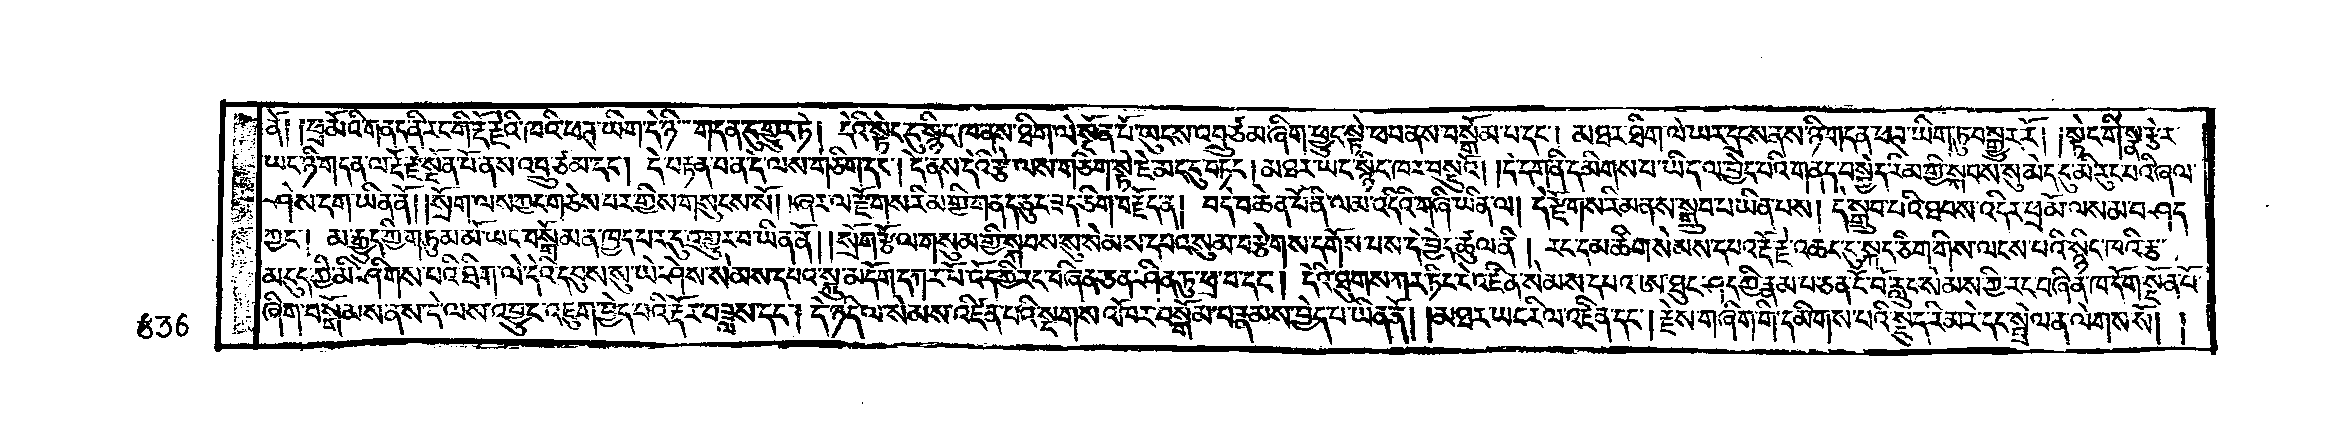ནོ། །ཕྲ་མོའི་གནད་ནི་རང་གི་རྡོ་རྗེའི་ཁའི་ཕཊ་ཡིག་དེ་ཉི་གདན་དུ་གྱུར་ཏེ། དེའི་སྟེང་དུ་སྙིང་ཁ་ནས་ཐིག་ལེ་སྔོན་པོ་ཡུངས་འབྲུ་ཙམ་ཞིག་ཕྱུང་སྟེ་ཕབ་ནས་བསྒོམ་པ་དང་། མཐར་ཐིག་ལེ་ཡར་དྲངས་ནས་ཉི་གདན་ཕཊ་ཡིག་ཏུ་བསྒྱུར་རོ། །སྟེང་གི་སྣ་རྩེར་
ཡང་ཉི་གདན་ལ་རྡོ་རྗེ་སྔོན་པོ་ནས་འབྲུ་ཙམ་དང་། དེ་བརྟན་པ་ན་དེ་ལས་གཅིག་དང་། དེ་ནས་དེའི་རྩི་ལས་གཅིག་སྟེ་ཇེ་མང་དུ་བཏང་། མཐར་ཡང་སྙིང་ཁར་བསྡུའོ། །དེ་དག་ནི་དམིགས་པ་ཡིད་ལ་བྱེད་པའི་གནད་བསྐྱེད་རིམ་གྱི་སྐབས་སུ་མེད་དུ་མི་རུང་པའི་ཞལ་
ཤེས་དག་ཡིན་ནོ། །སྲོག་ལས་ཀྱང་གཅེས་པར་གྱིས་གསུངས་སོ། །ཞར་ལ་རྫོགས་རིམ་གྱི་གནད་ཅུང་ཟད་ཅིག་བརྗོད་ན། བདེ་བ་ཆེན་པོ་ནི་ལམ་འདིའི་གཞི་ཡིན་ལ། དེ་རྫོགས་རིམ་ནས་སྒྲུབ་པ་ཡིན་པས། དེ་སྒྲུབ་པའི་ཐབས་འདིར་ཕྲ་མོ་ལས་མ་བཤད་
ཀྱང་། མ་རྒྱུད་ཀྱི་གཏུམ་མོ་ཡང་བསྒོམ་ན་ཁྱད་པར་དུ་འགྱུར་བ་ཡིན་ནོ། །སྲོག་རྩོལ་གསུམ་གྱི་སྐབས་སུ་སེམས་དཔའ་སུམ་བརྩེགས་དགོས་པས་དེ་བྱེད་ཚུལ་ནི། རང་དམ་ཚིག་སེམས་དཔའ་རྡོ་རྗེ་འཆང་དུ་སྐད་ཅིག་གིས་ལངས་པའི་སྙིང་ཁའི་རྩ་
མདུད་ཀྱི་མི་ཤིགས་པའི་ཐིག་ལེ་དེའི་དབུས་སུ་ཡེ་ཤེས་སེམས་དཔའ་སྐུ་མདོག་དཀར་པོ་འོད་ཀྱི་རང་བཞིན་ཅན་ཤིན་ཏུ་ཕྲ་བ་དང་། དེའི་ཐུགས་ཀར་ཏིང་ངེ་འཛིན་སེམས་དཔའ་ཨ་ཐུང་ཤད་ཀྱི་རྣམ་པ་ཅན་ངོ་བོ་རླུང་སེམས་ཀྱི་རང་བཞིན་ཁ་དོག་སྔོན་པོ་
ཞིག་བསྒོམས་ནས་དེ་ལས་འབྱུང་འཇུག་བྱེད་པའི་རྡོར་བཟླས་དང་། དེ་ཉིད་ལ་སེམས་འཛིན་པའི་སྔགས་འཁོར་བསྒོམ་པ་རྣམས་བྱེད་པ་ཡིན་ནོ། །མཐར་ཡང་རིལ་འཛིན་དང་། རྗེས་གཞིག་གི་དམིགས་པའི་སྡུད་རིམ་རེ་དང་སྦྲེལ་ན་ལེགས་སོ། །